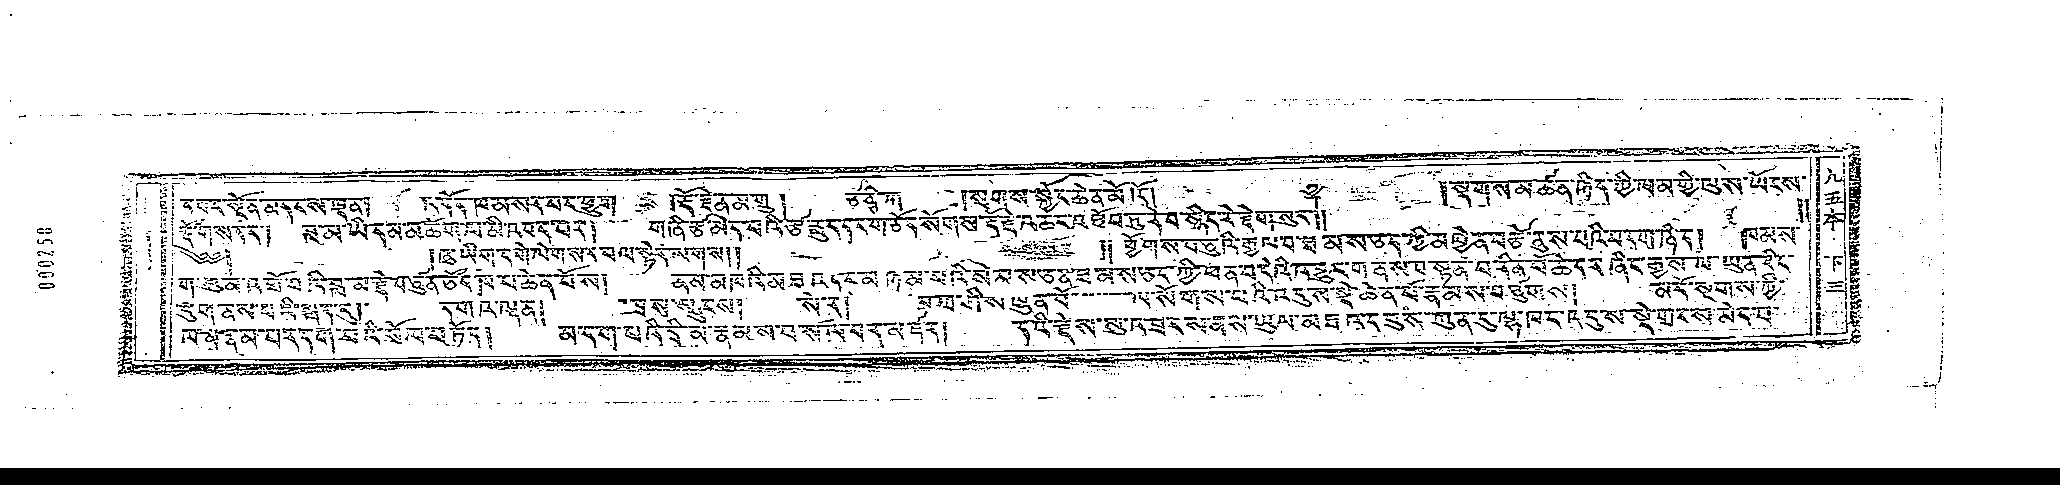སོགས་དང་། ཙཀྲ་རཏྣ་སོགས་སྦྱར་ནས་རྒྱལ་སྲིད་སྣ་བདུན་དབུལ། ཨོཾ་དེ་བ་རཱ་ཛ་ས་པ་རི་ལྦཱ་ར་ཨོཾ་ཨཱཿ་ཧཱུཾ་གིས་ནང་མཆོད་དབུལ། བསྟོད་པ་ནི། དཔག་མེད་རྫུ་འཕྲུལ་མཐུ་སྟོབས་ཕུན་ཚོགས་ཤིང་། །བར་ཆད་
ཀུན་སེལ་འཕྲིན་ལས་ཀུན་སྒྲུབ་པའི། །མཐུ་ལྡན་དགྲ་ལྷ་ཆེན་པོ་འཁོར་བཅས་ལ། །སྒོ་གསུམ་གུས་པ་ཆེན་པོས་ཕྱག་འཚལ་བསྟོད། །བཤགས་པ་ནི། ཧཱུཾ་རྩ་རྒྱུད་བླ་མ་ཡི་དམ་ལྷ་ཚོགས་དང་། །
ཁྱད་པར་ལྷ་ཆེན་འཁོར་བཅས་དགོངས་སུ་གསོལ། །བླང་དོར་ཚུལ་དང་མཐུན་པར་མ་སྦྱང་པས། །ཐུགས་དང་འགལ་གྱུར་ནོངས་པ་ཐམས་ཅད་བཤགས། །ཡུལ་ཕྱོགས་མི་ནོར་འཁོར་དང་བཅས་པ་ལ། །
ཕྱི་ནང་མི་མཐུན་རྐྱེན་གྱི་གནོད་པ་དང་། །སྡུག་བསྔལ་འབྱུང་བའི་རྒྱུ་རྐྱེན་སྡིག་ལྡུད་ཚོགས། །ཇི་སྙེད་བགྱིས་བ་མ་ལུས་བཤགས་པར་བགྱི། །སྙིགས་དུས་རྒུང་པ་མང་པོས་གདུང་འགྱུར་བའི། །
མི་དགེའི་འབྲས་བུ་མྱོང་འགྱུར་ཅི་མཆིས་པ། །བརྩེ་ལྡན་ཁྱེད་ལ་སྙིང་ནས་བཤགས་པ་ཡིས། །དམིགས་མེད་དང་དུ་བྱང་ཞིང་དག་གྱུར་ཅིག །བསྐད་རྫས་སྤྱན་གཟིགས་ཀྱི་རིམ་པ་འབུལ་བ་ནི། ཀྱཻ་བླ་མ་
ཡི་དམ་བསྲུང་མའི་བདེན་སྟོབས་དང་། །བདག་གི་དད་མོས་རྟེན་འབྲེལ་ཚོགས་པའི་མཐུས། །མགྲོན་རྣམས་མཉེས་བྱེད་མཆོད་སྤྲིན་སྤྱན་གཟིགས་ཚོགས། །གནམ་ས་བར་སྣང་ཁྱོན་ཀུན་གང་གྱུར་ཅིག །